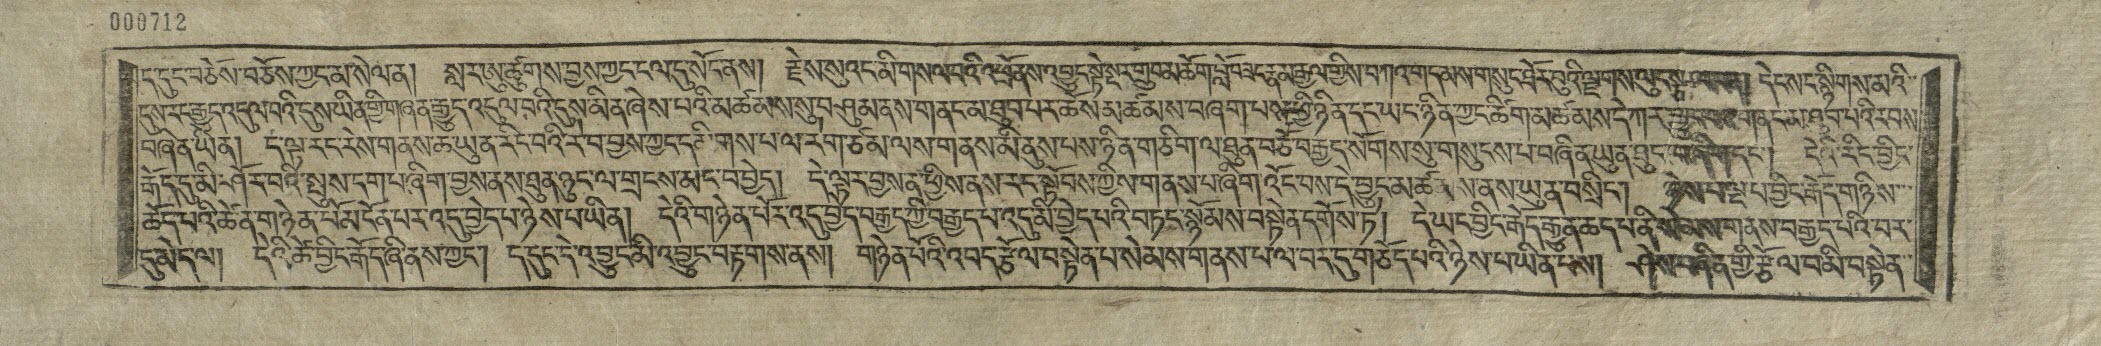ད་དུང་བཅོས་བཅོས་ཀྱང་མ་སེལ་ན། སླར་ཨུ་ཚུགས་བྱས་ཀྱང་ངལ་དུ་སོང་ནས། རྗེས་སུའང་མི་གསལ་བའི་འཕྲོ་ནས་འབྱུང་སྟེ་སྔར་གྲུབ་མཆོག་བློ་བཟང་རྣམ་རྒྱལ་གྱིས་བཀའ་གདམས་གསུང་ཐོར་བུའི་ལྗགས་ལུང་སྩལ་བ་ན། དེང་སང་སྙིགས་མའི་
དུས་རང་རྒྱུད་འདུལ་བའི་དུས་ཡིན་གྱི་གཞན་རྒྱུད་འདུལ་བའི་དུས་མིན་ཞེས་པའི་མཚམས་སུ་བཤུམ་ནས་གནང་མ་ཐུབ་པར་ཆོས་མཚམས་བཞག་པས་ཕྱི་ཉིན་དང་ཡང་ཉིན་ཀྱང་ཚིག་མཚམས་དེ་ཀར་བྱུང་བས་གནང་མ་ཐུབ་པའི་རབས་
བཞིན་ཡིན། ད་ལྟ་རང་རེས་གནས་ཆ་ཡུན་རིང་བའི་རེ་བ་བྱས་ཀྱང་དམིགས་པ་ལ་རེག་ཙམ་ལས་གནས་མི་ནུས་པས་ཉིན་གཅིག་ལ་ཐུན་བཅོ་བརྒྱད་སོགས་སུ་གསུངས་པ་བཞིན་ཡུན་ཐུང་བ་ཞིག་དང་། དེའི་རིང་བྱིང་
རྒོད་དུ་མི་ཤོར་བའི་སྤུས་དག་པ་ཞིག་བྱས་ནས་ཐུན་ཉུང་ལ་གྲངས་མང་བ་བྱེད། དེ་ལྟར་བྱས་ན་ཕྱིས་ནས་རང་སྟོབས་ཀྱིས་གནས་པ་ཞིག་འོང་བས་དེ་བྱུང་མཚམས་ནས་ཡུན་བསྲིང་། ཉེས་པ་ལྔ་པ་བྱིང་རྒོད་གཉིས་
ཆོད་པའི་ཚེ་ན་གཉེན་པོ་མངོན་པར་འདུ་བྱེད་པ་ཉེས་པ་ཡིན། དེའི་གཉེན་པོར་འདུ་བྱེད་བརྒྱད་ཀྱི་བརྒྱད་པར་དུ་མི་བྱེད་པའི་བཏང་སྙོམས་བསྟེན་དགོས་ཏེ། དེ་ཡང་བྱིང་རྒོད་རྒྱུན་ཆད་པ་ནི་སེམས་གནས་བརྒྱད་པའི་བར་
དུ་མེད་ལ། དེའི་ཚེ་བྱིང་རྒོད་ཞི་ནས་ཀྱང་། ད་དུང་དེ་འབྱུང་མི་འབྱུང་བརྟགས་ནས། གཉེན་པོའི་འབད་རྩོལ་བསྟེན་པ་སེམས་གནས་པ་ལ་བར་དུ་གཅོད་པའི་ཉེས་པ་ཡིན་པས། ཤེས་བཞིན་གྱི་རྩོལ་བ་མི་བསྟེན་